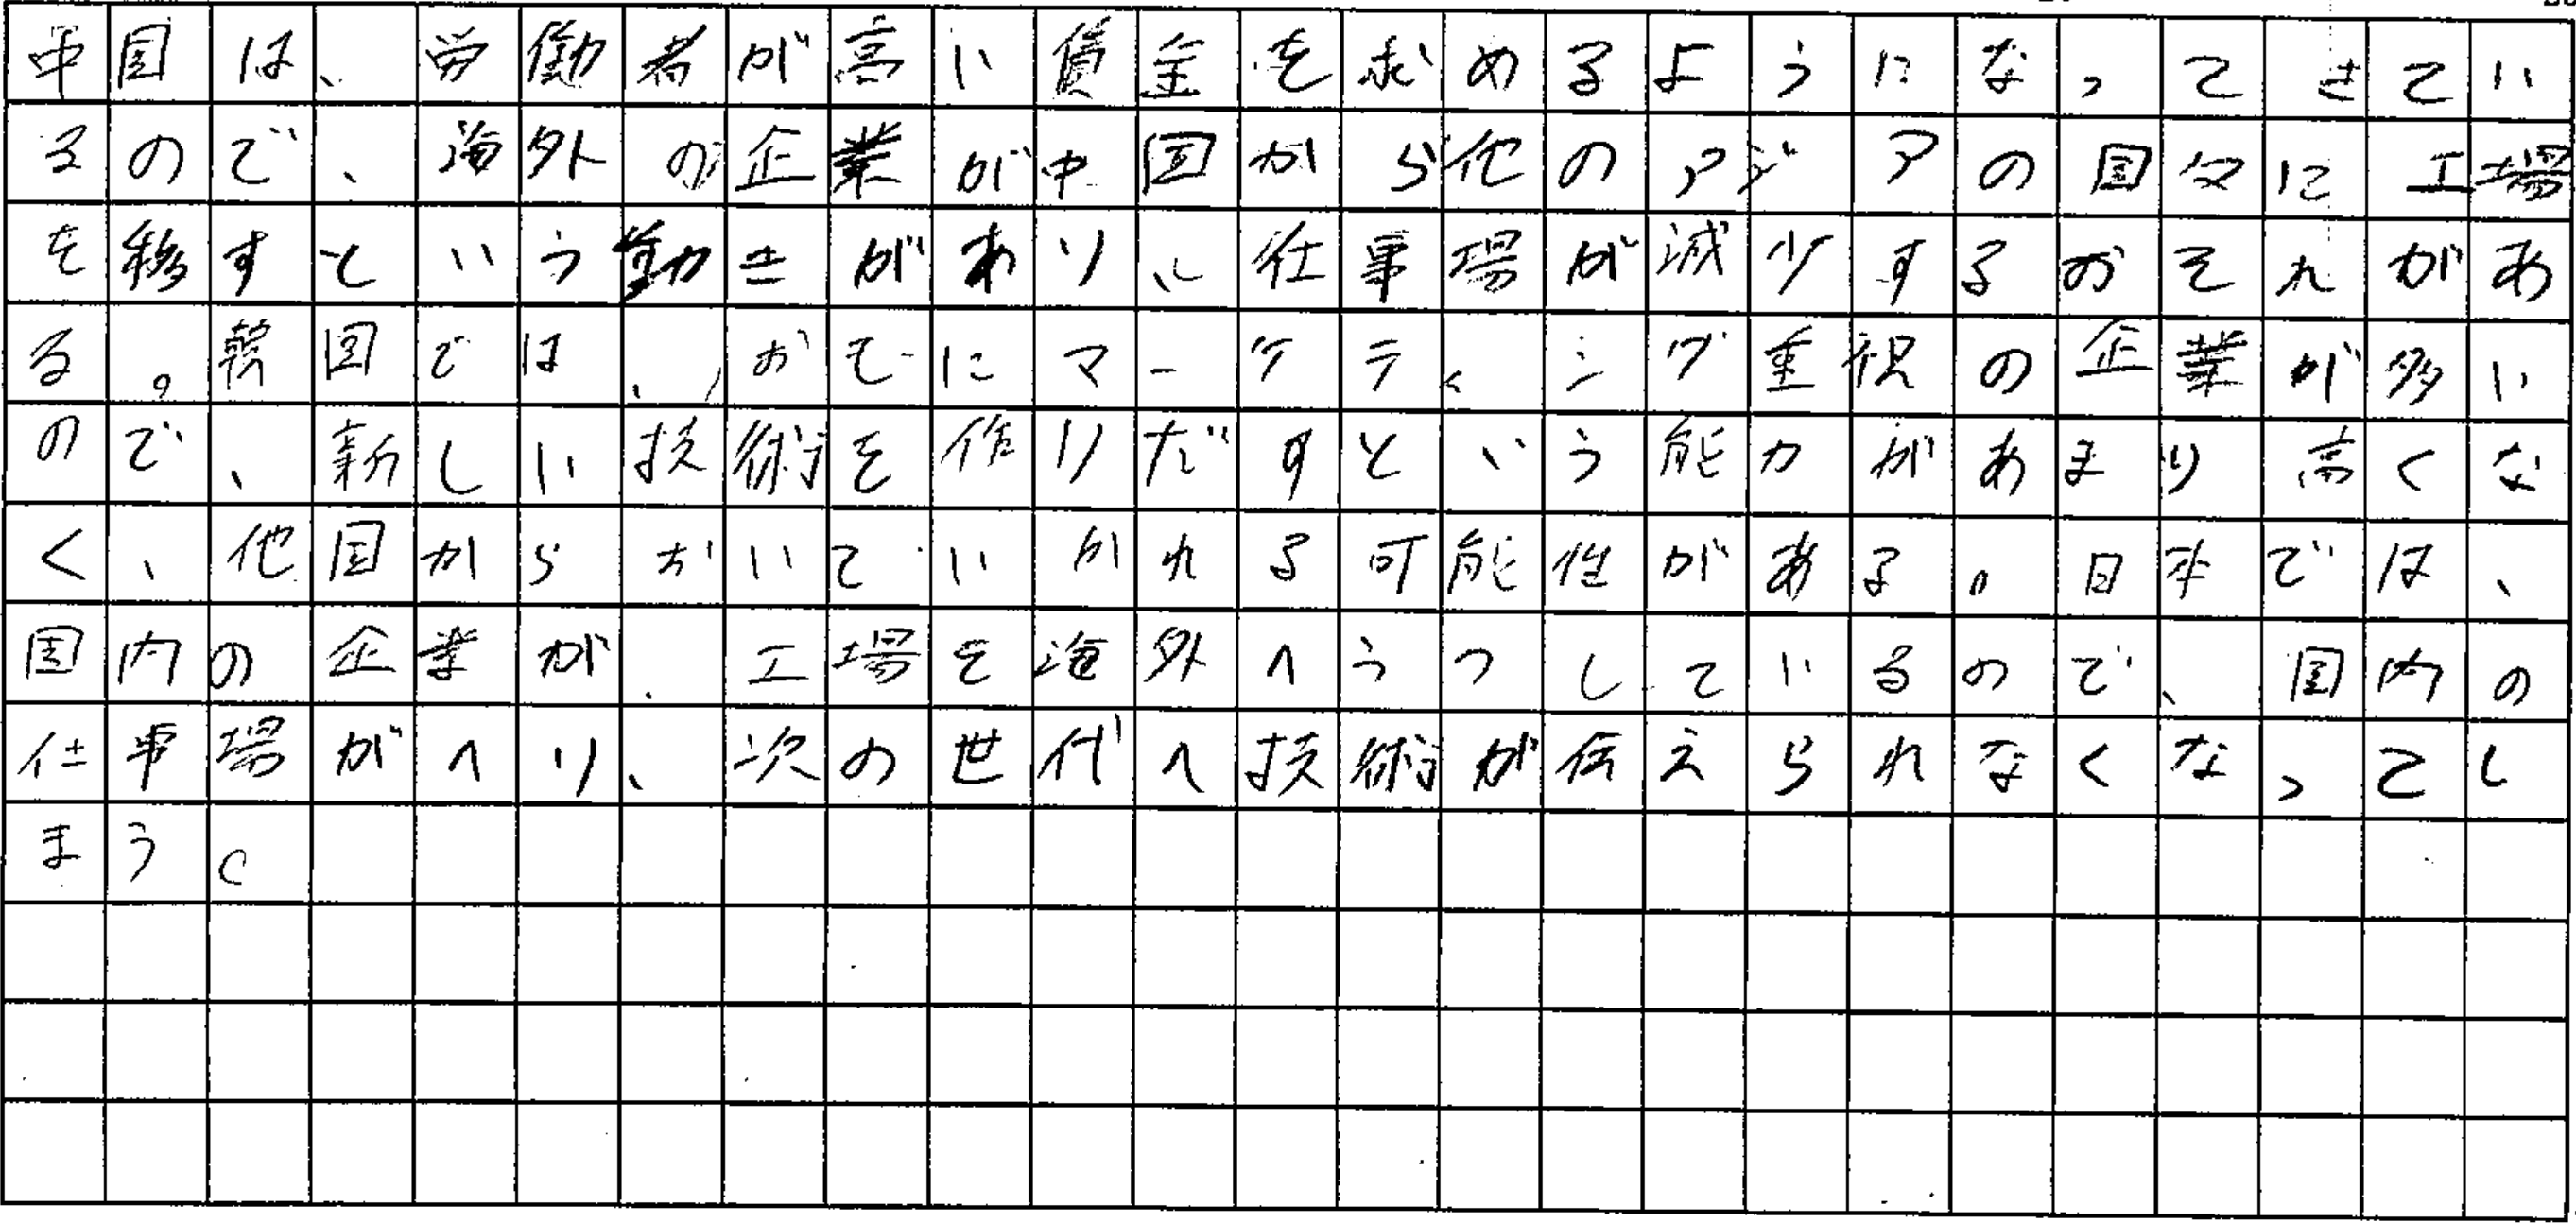中国は、労働者が高い賃金を求めるようになってきているので、海外の企業が中国から他のアジアの国々に工場を移すという動きがあり、仕事場が減少するおそれがある。韓国では、おもにマーケティング重視の企業が多いので、新しい技術を作りだすという能力があまり高くなく、他国からおいていかれる可能性がある。日本では、国内の企業が、工場を海外へうつしているので、国内の仕事場がへり、次の世代へ技術が伝えられなくなってしまう。
